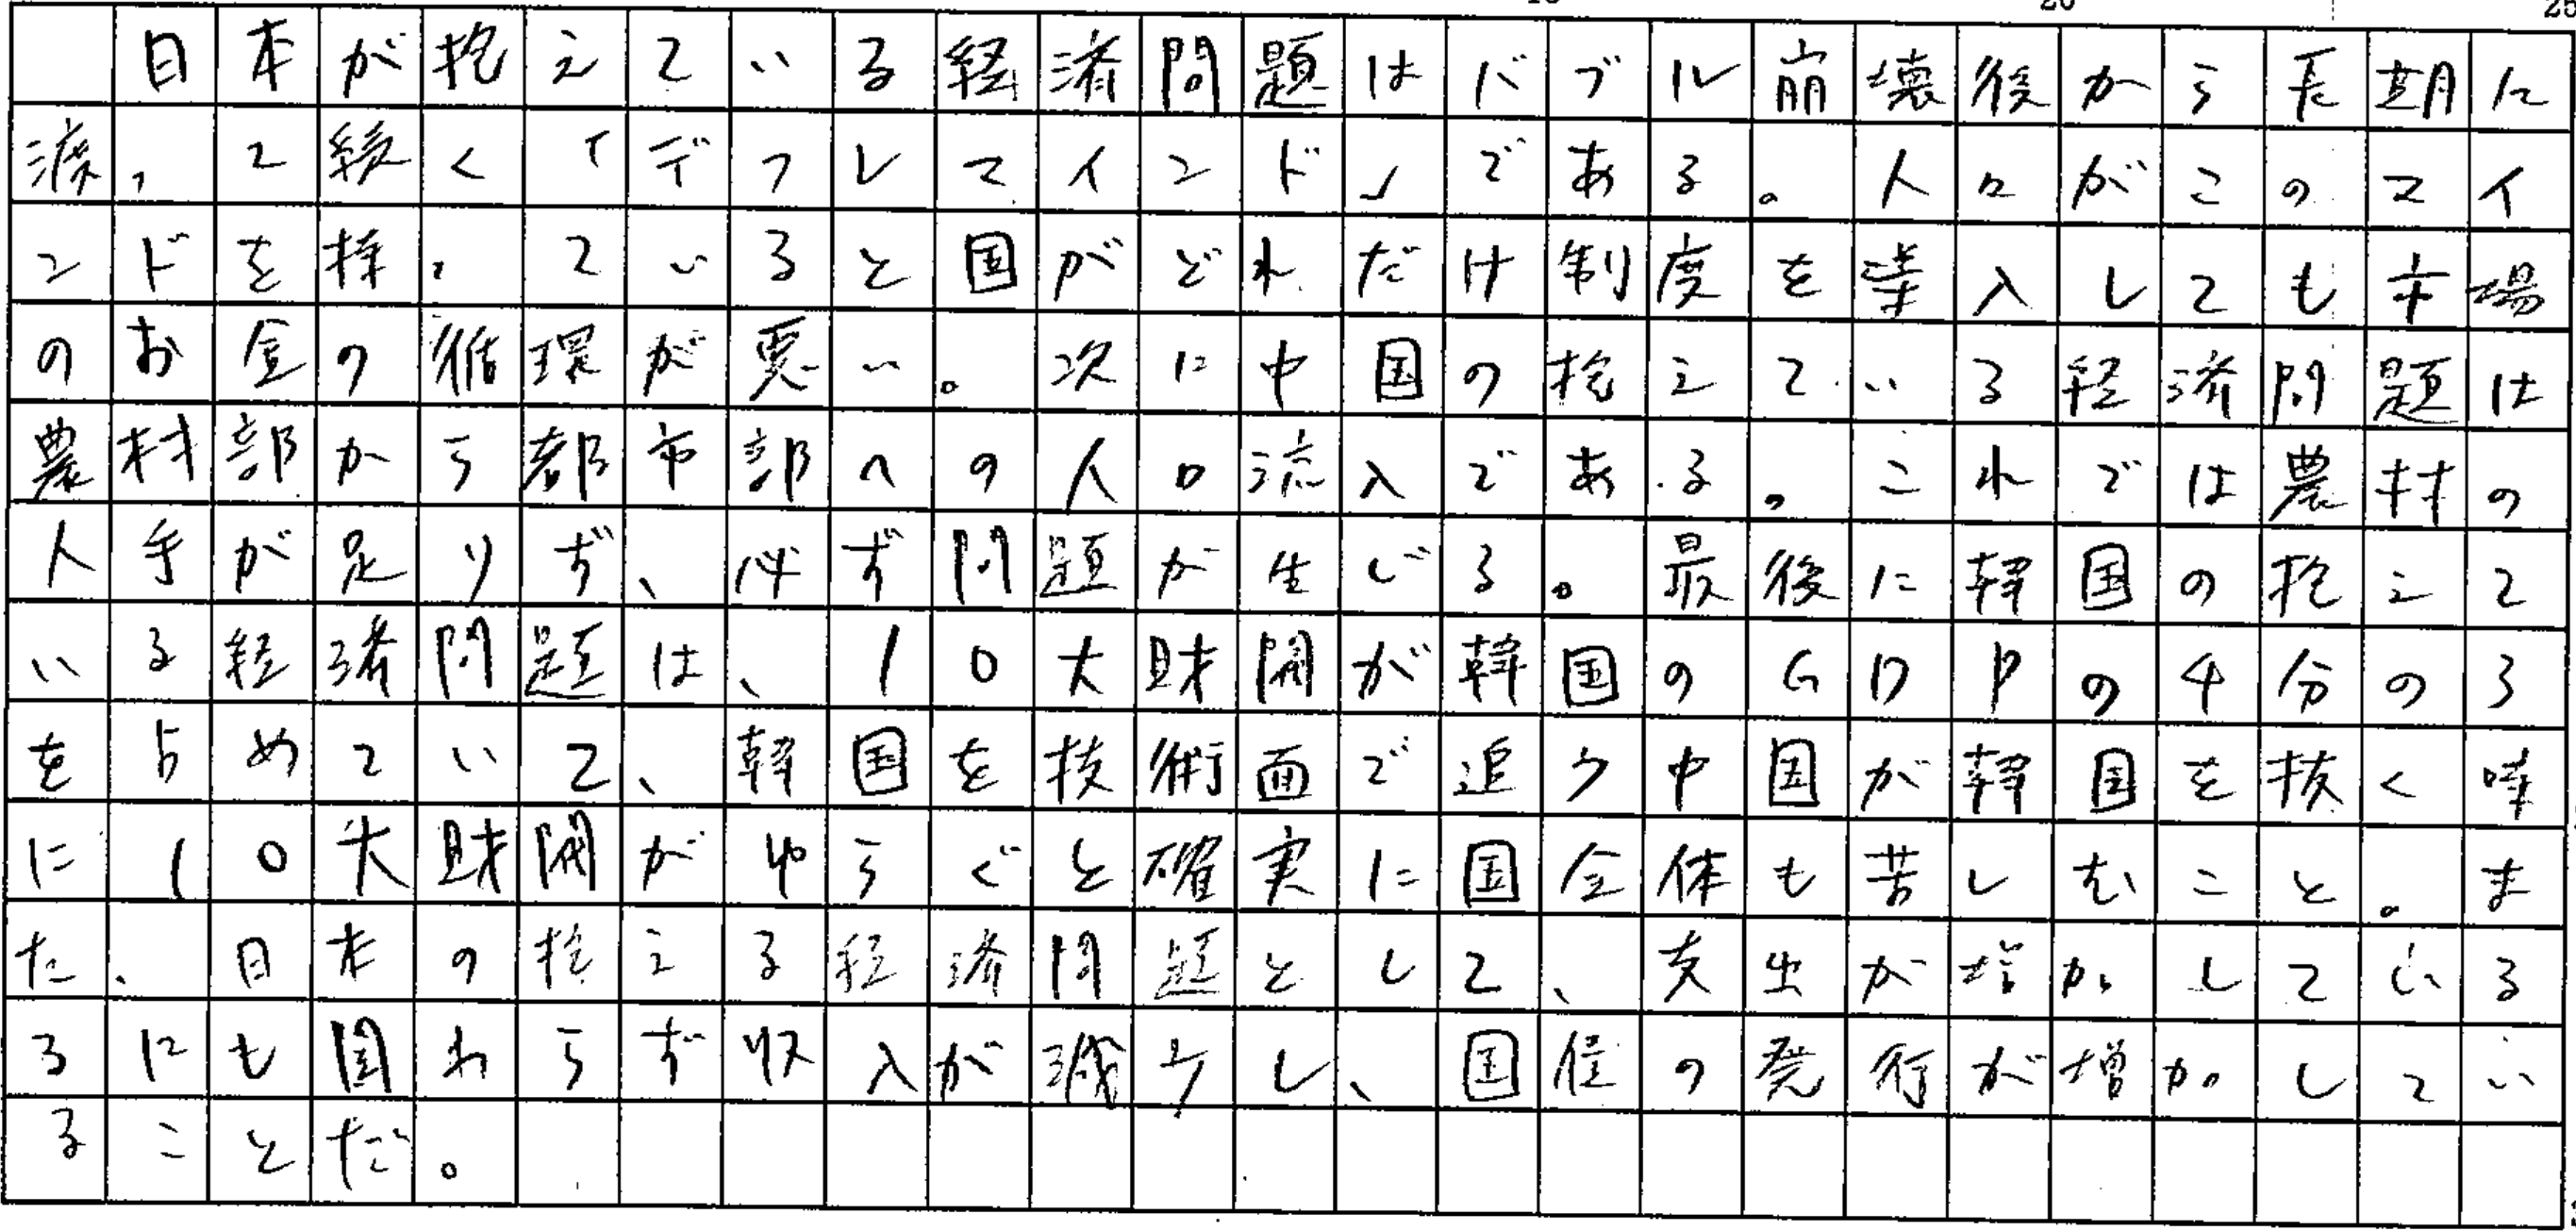　日本が抱えている経済問題はバブル崩壊後から長期に渡って続く「デフレマインド」である。人々がこのマインドを持っていると国がどれだけ制度を導入しても市場のお金の循環が悪い。次に中国の抱えている経済問題は農村部から都市部への人口流入である。これでは農村の人手が足りず、必ず問題が生じる。最後に韓国の抱えている経済問題は、１０大財閥が韓国のＧＤＰの４分の３を占めていて、韓国を技術面で追う中国が韓国を抜く時に１０大財閥がゆらぐと確実に国全体も苦しむこと。また、日本の抱える経済問題として、支出が▁加しているるにも関わらず収入が減少し、国債の発行が増加していることだ。
